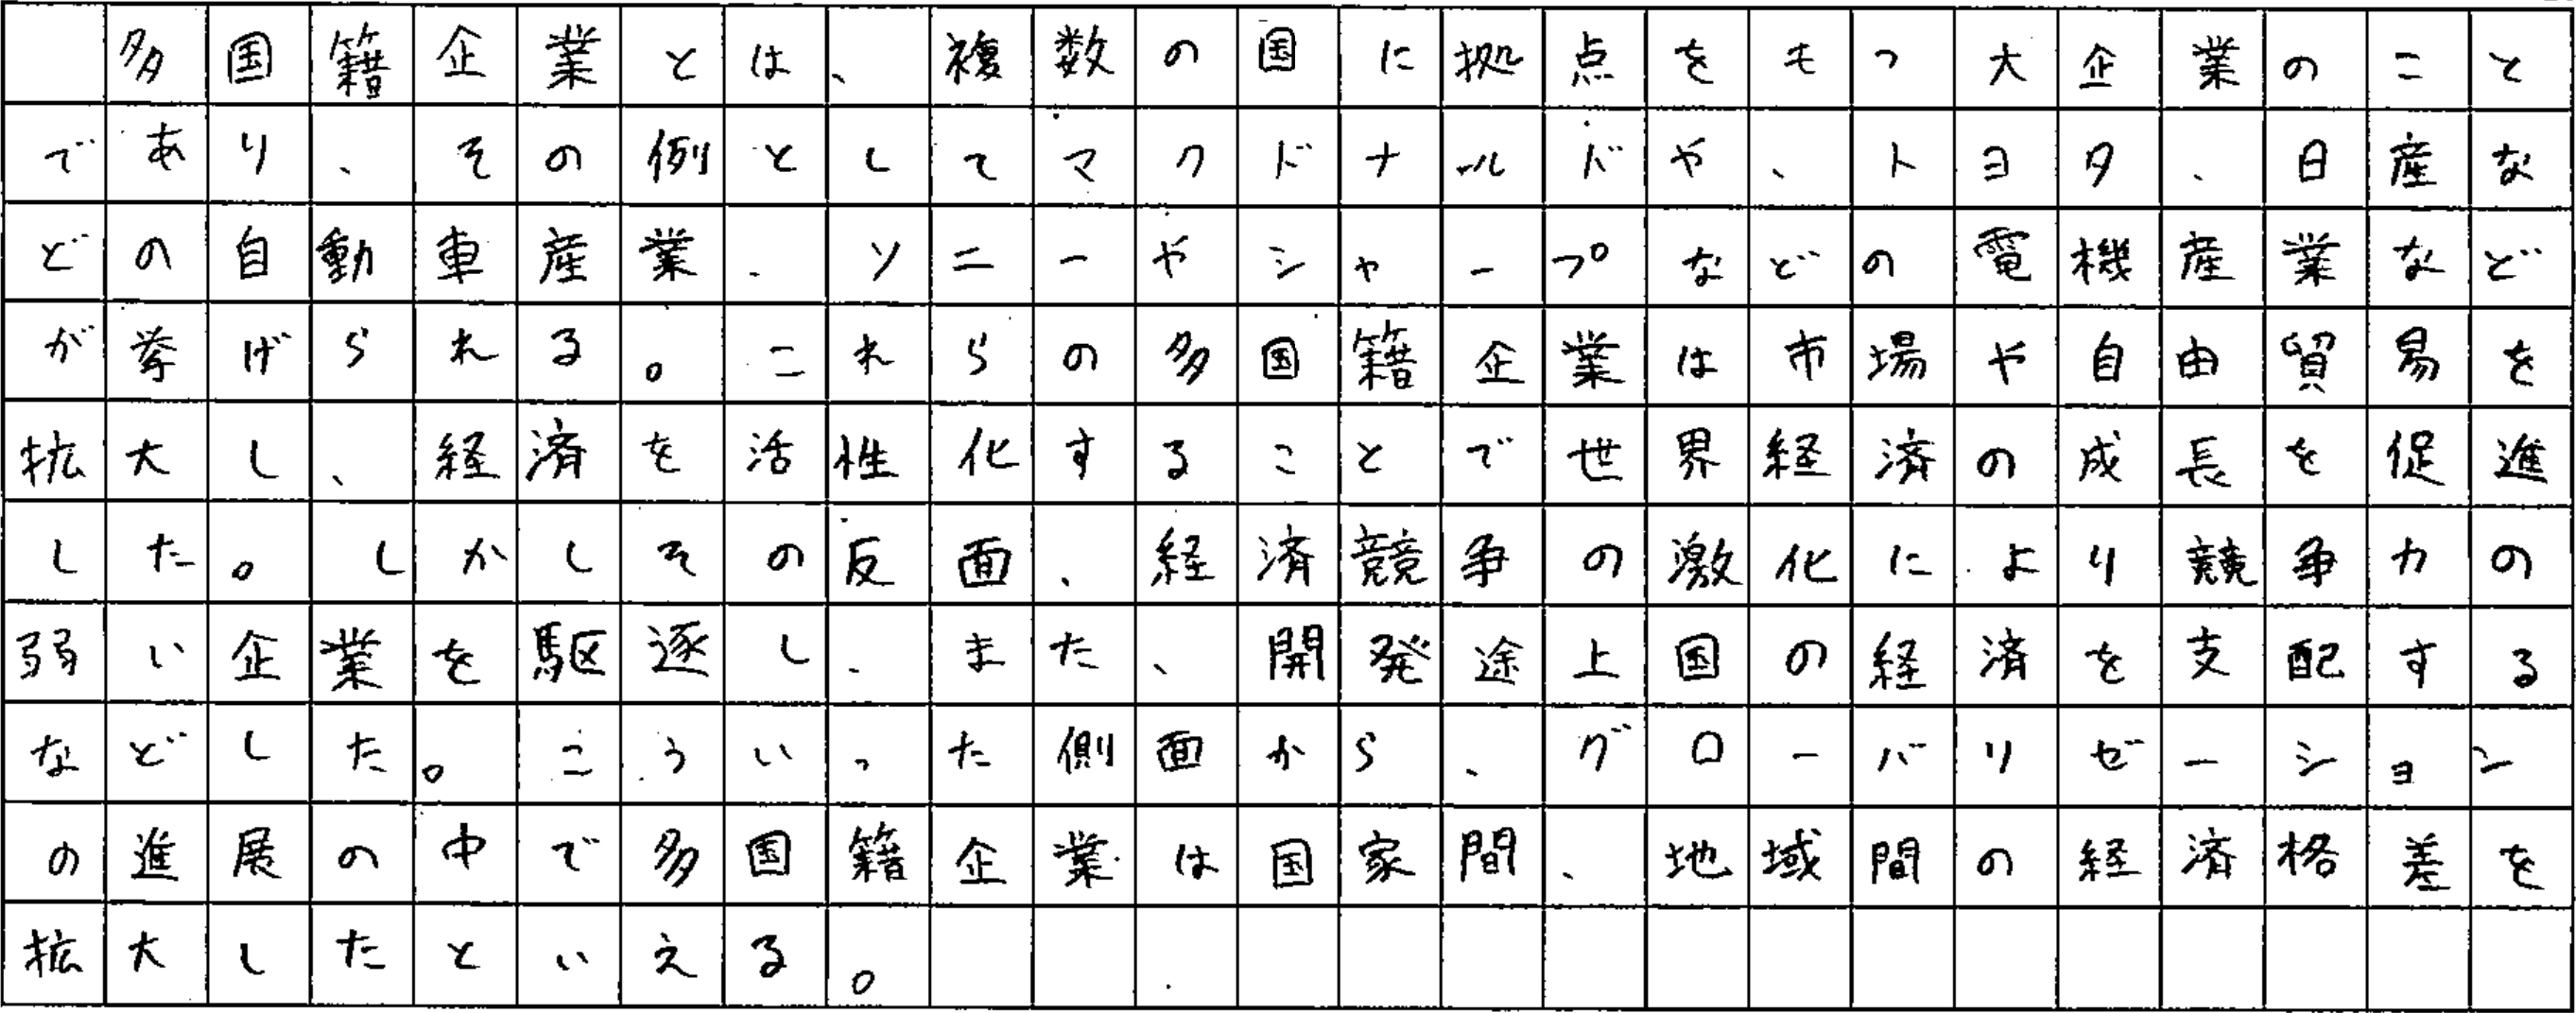　多国籍企業とは、複数の国に拠点をもつ大企業のことであり、その例としてマクドナルドや、トヨタ、日産などの自動車産業、ソニーやシャープなどの電機産業などが挙げられる。これらの多国籍企業は市場や自由貿易を拡大し、経済を活性化することで世界経済の成長を促進した。しかしその反面、経済競争の激化により競争力の弱い企業を駆逐し、また、開発途上国の経済を支配するなどした。こういった側面から、グローバリゼーションの進展の中で多国籍企業は国家間、地域間の経済格差を拡大したといえる。
